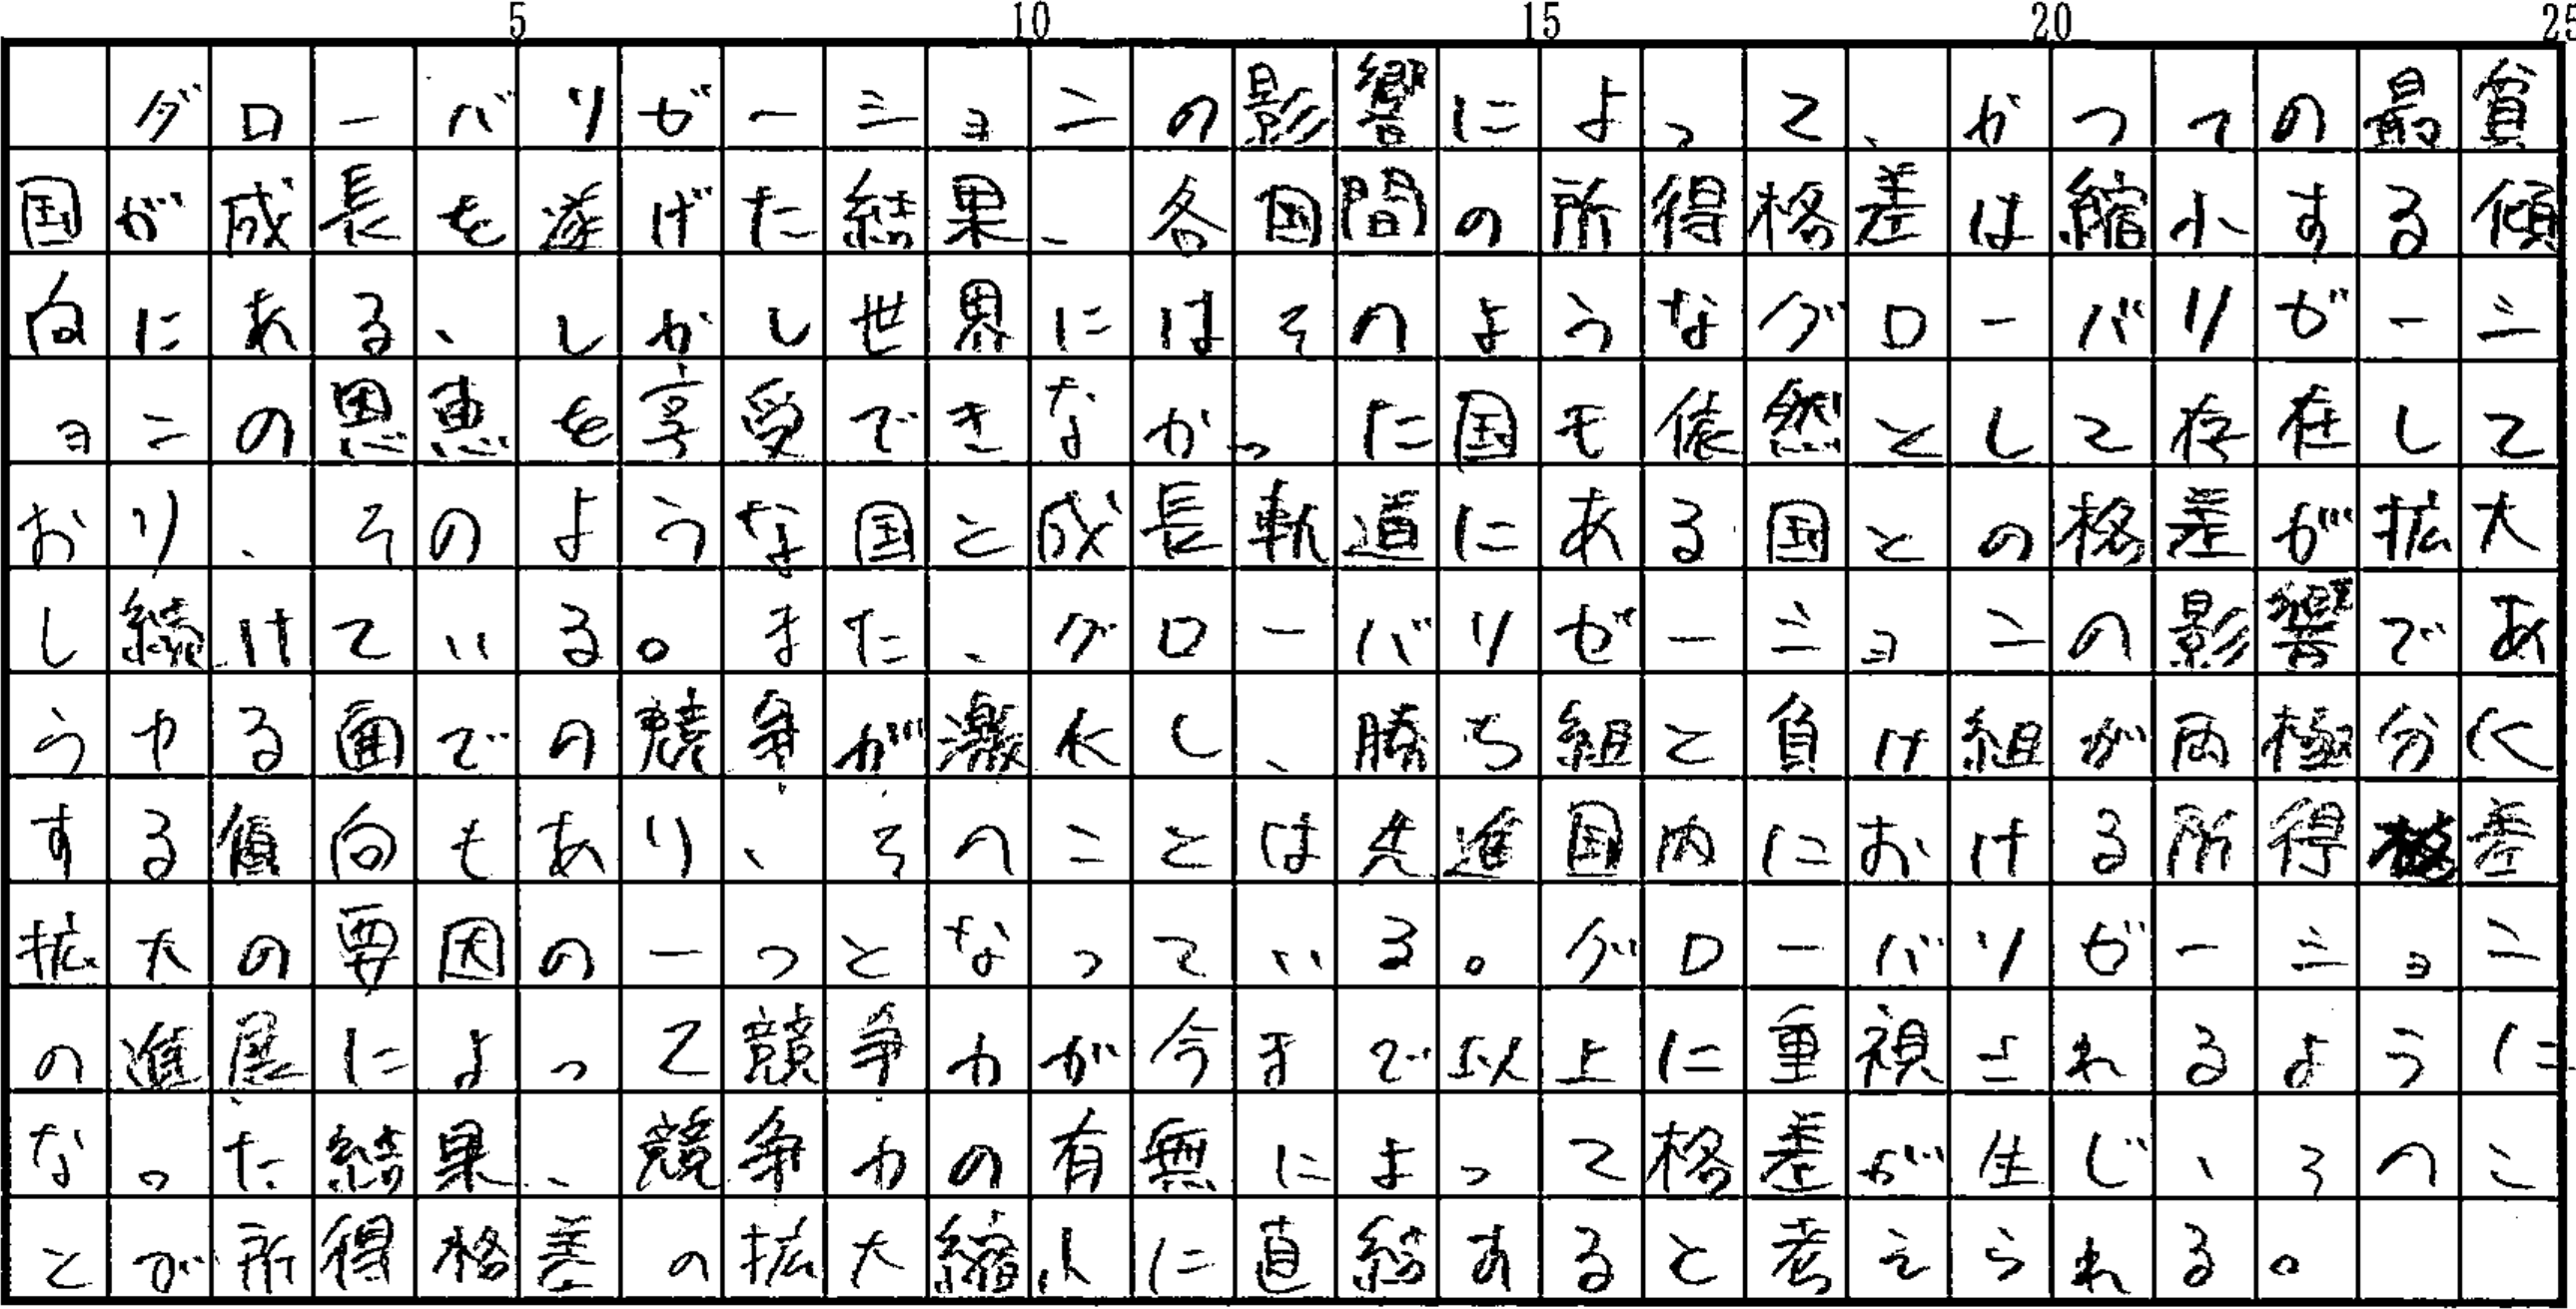　グローバリゼーションの影響によって、かつての最貧国が成長を遂げた結果、各国間の所得格差は縮小する傾向にある、しかし世界にはそのようなグローバリゼーションの恩恵を享受できなかった国も依然として存在しており、そのような国と成長軌道にある国との格差が拡大し続けている。また、グローバリゼーションの影響であらゆる面での競争が激化し、勝ち組と負け組が両極分化する傾向もあり、そのことは先進国内における所得格差拡大の要因の一つとなっている。グローバリゼーションの進展によって競争力が今まで以上に重視されるようになった結果、競争力の有無によって格差が生じ、そのことが所得格差の拡大縮小に直結すると考えられる。
